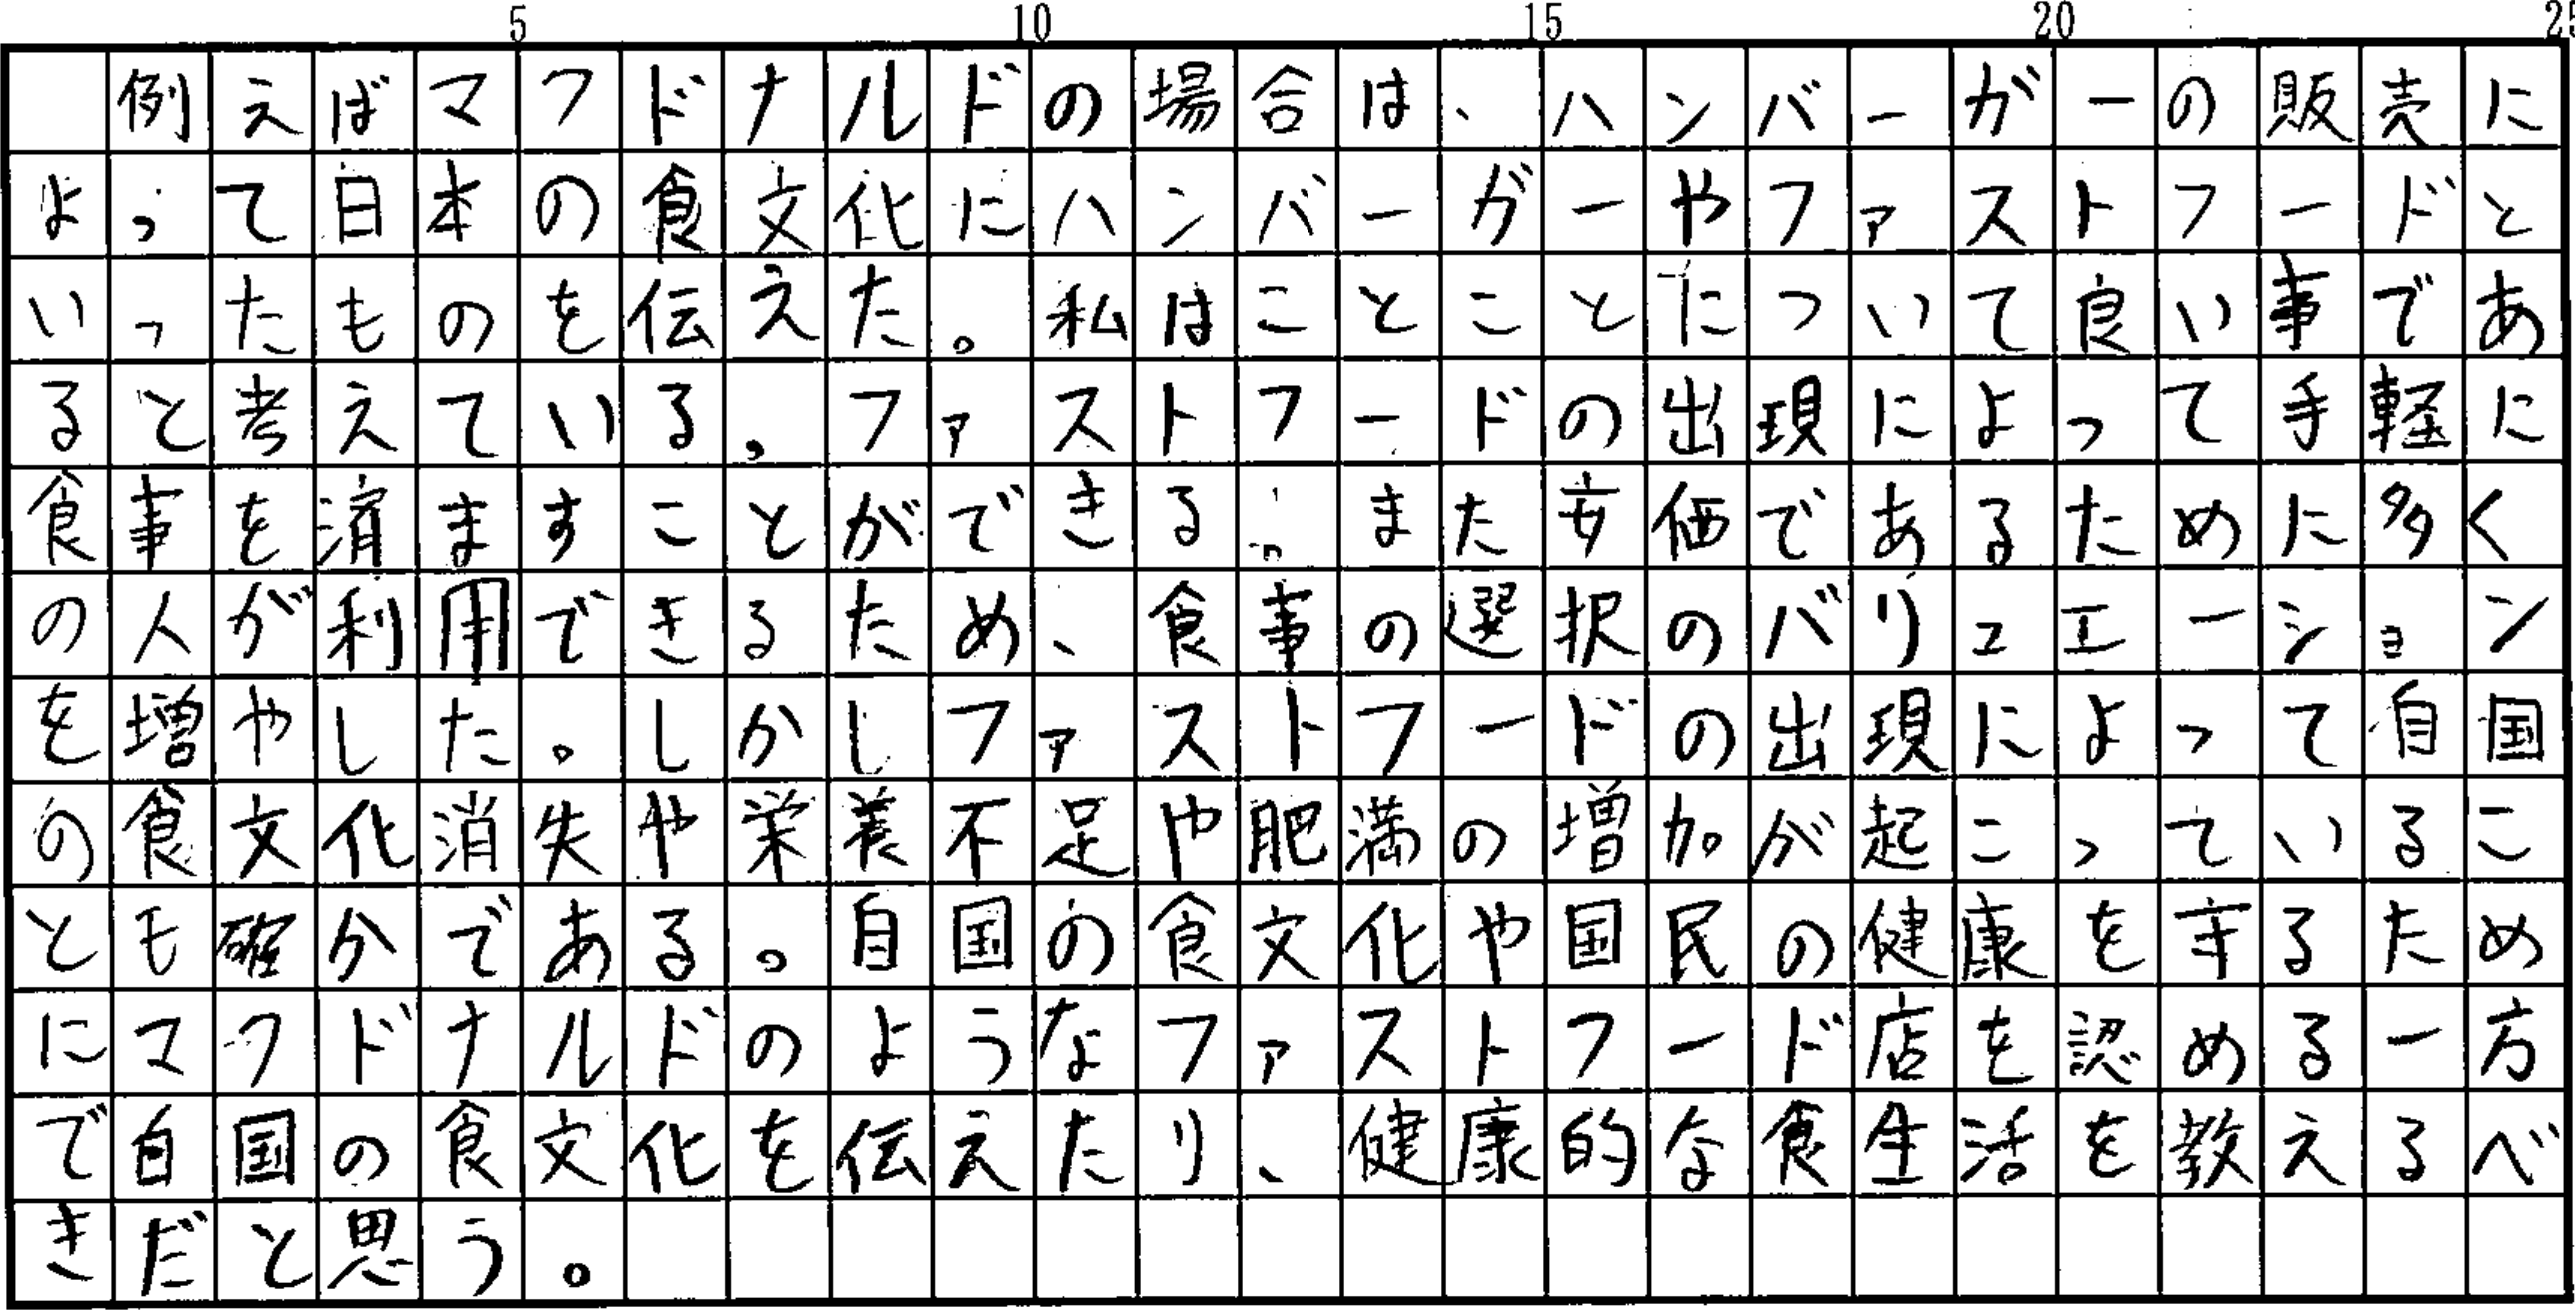　例えばマクドナルドの場合は、ハンバーガーの販売によって日本の食文化にハンバーガーやファストフードといったものを伝えた。私はことことについて良い事であると考えている。ファストフードの出現によって手軽に食事を済ますことができる。また安価であるために多くの人が利用できるため、食事の選択のバリエーションを増やした。しかしファストフードの出現によって自国の食文化消失や栄養不足や肥満の増加が起こっていることも確かである。自国の食文化や国民の健康を▁るためにマクドナルドのようなファストフード店を認める一方で自国の食文化を伝えたり、健康的な食生活を教えるべきだと思う。
